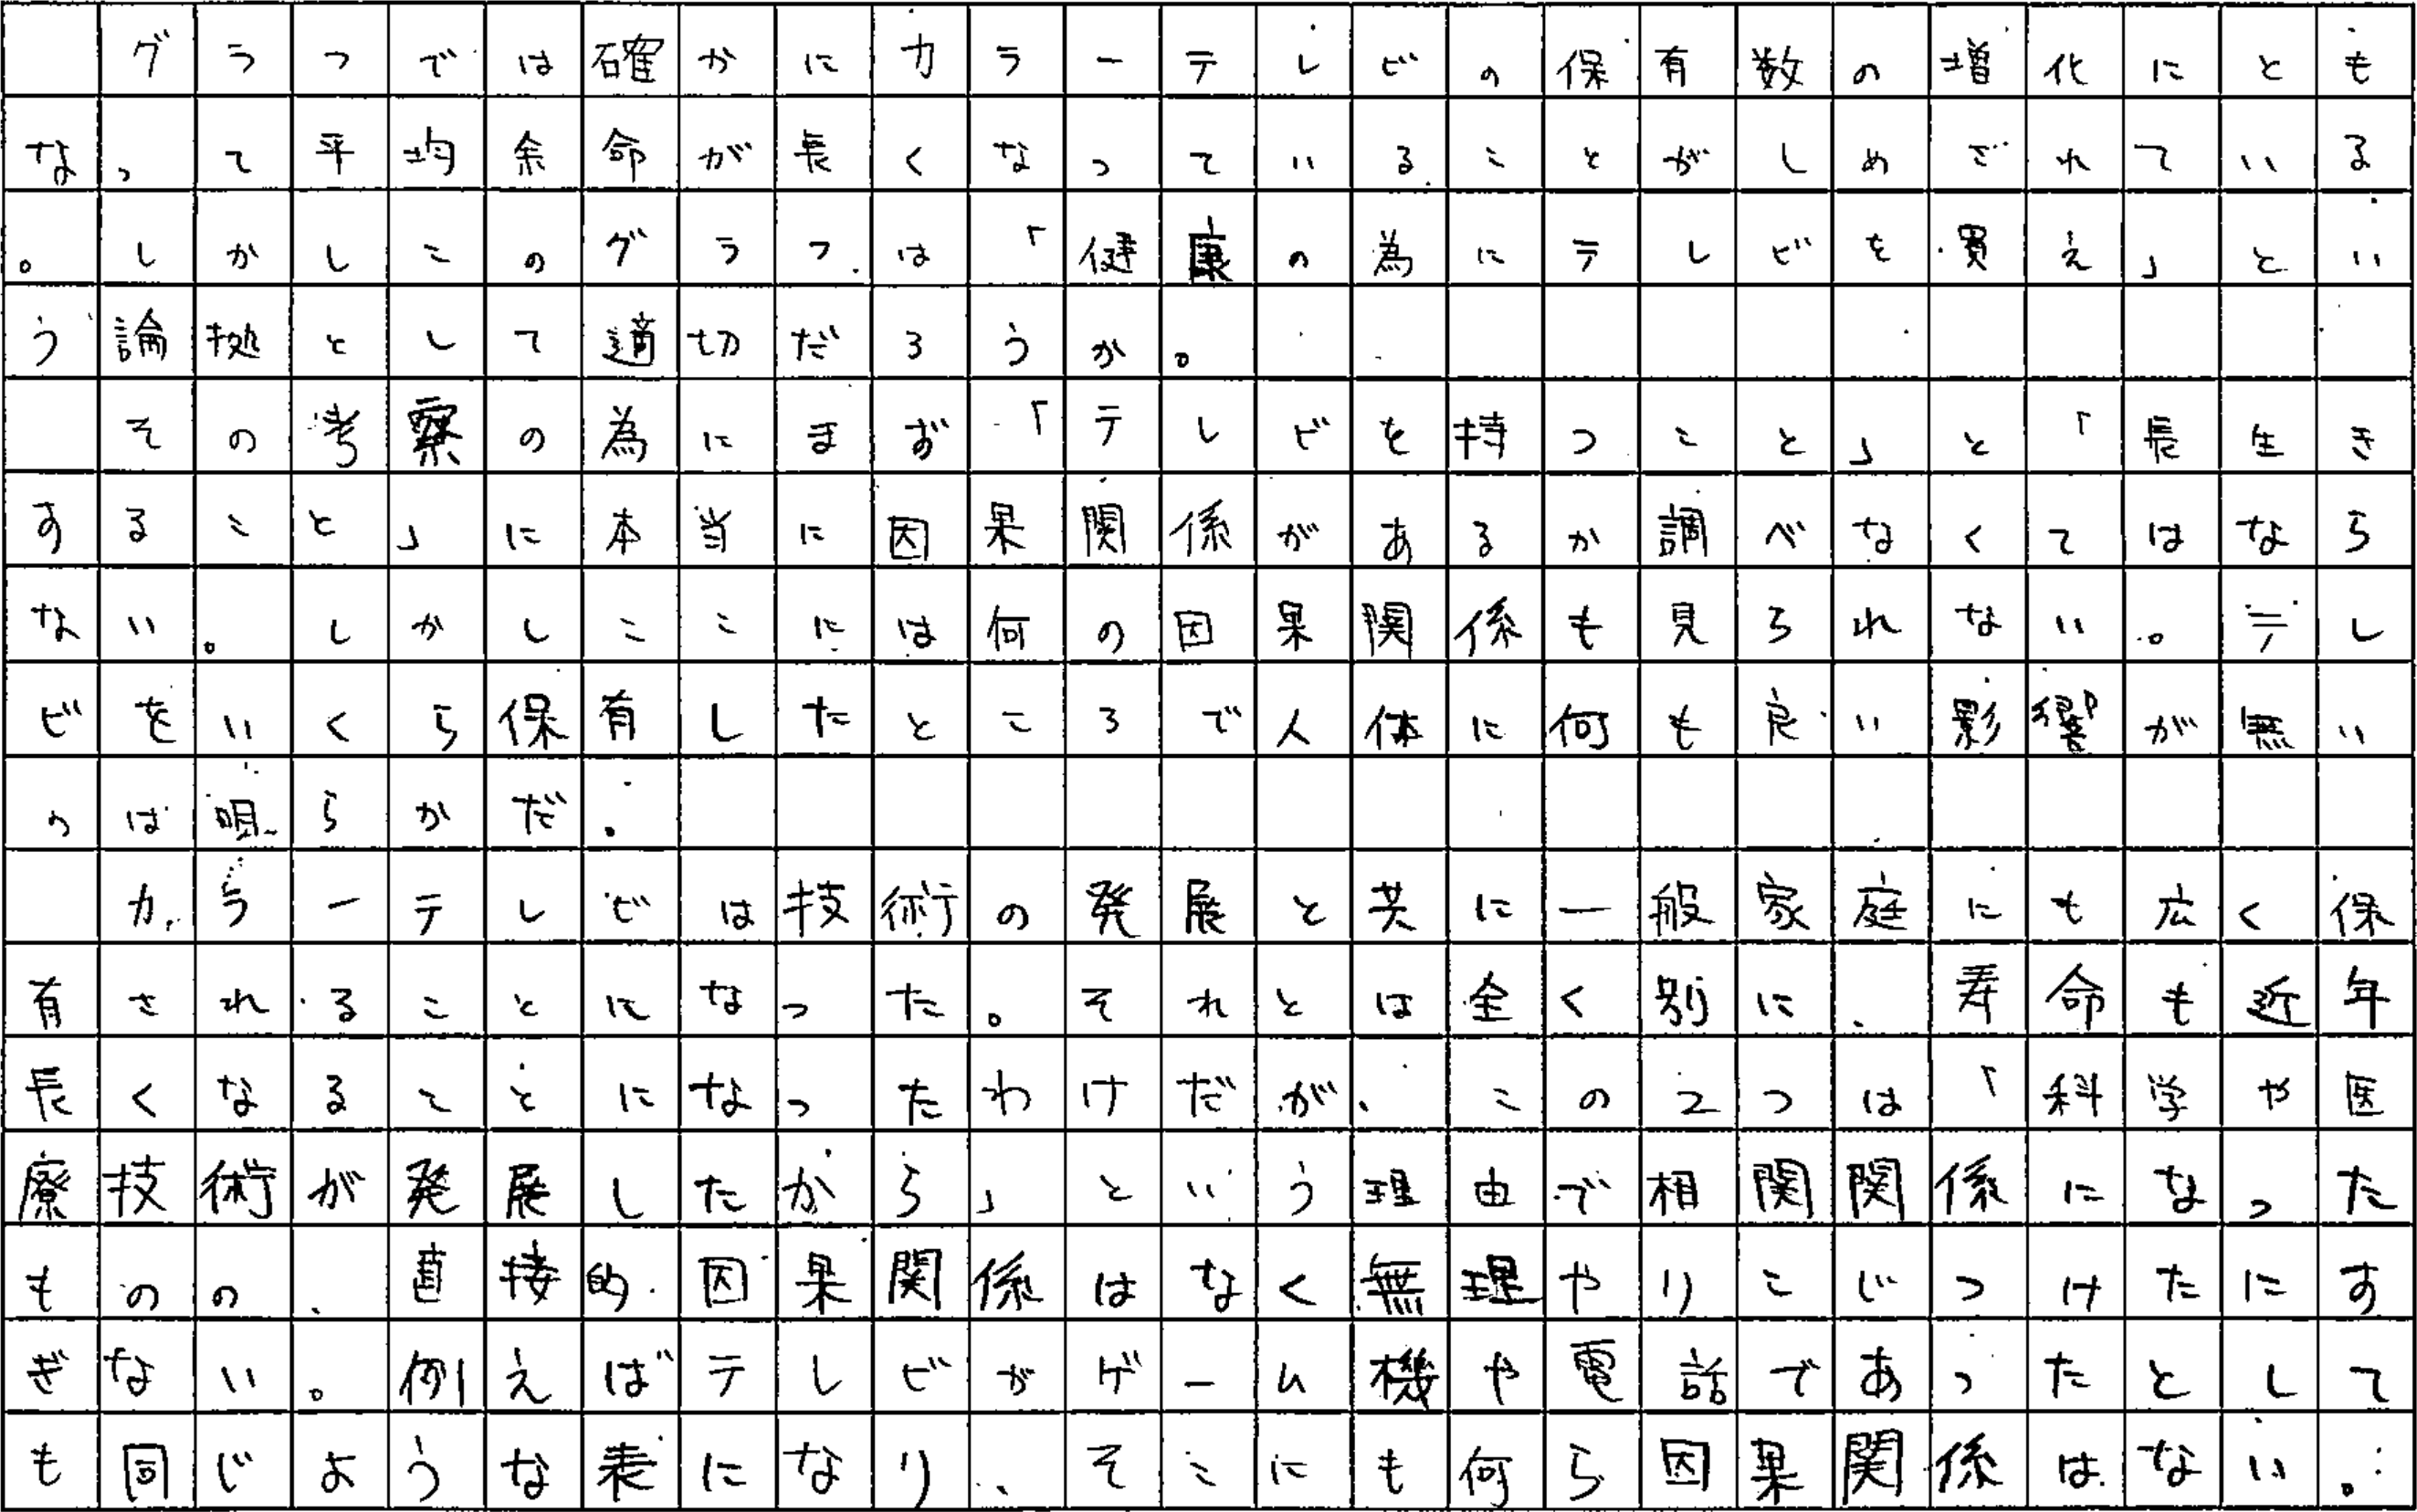　グラフでは確かにカラーテレビの保有数の増化にともなって平均余命が長くなっていることがしめされている。しかしこのグラフは「健康の為にテレビを買え」という論拠として適切だろうか。
　その考察の為にまず「テレビを持つこと」と「長生きすること」に本当に因果関係があるか調べなくてはならない。しかしここには何の因果関係も見られない。テレビをいくら保有したところで人体に何も良い影響が無いのは明らかだ。
　カラーテレビは技術の発展と共に一般家庭にも広く保有されることになった。それとは全く別に、寿命も近年長くなることになったわけだが、この２つは「科学や医▁技術が発展したから」という理由で相関関係になったものの、直接的因果関係はなく無理やりこじつけたにすぎない。例えばテレビがゲーム機や電話であったとしても同じような表になり、そこにも何ら因果関係はない。
